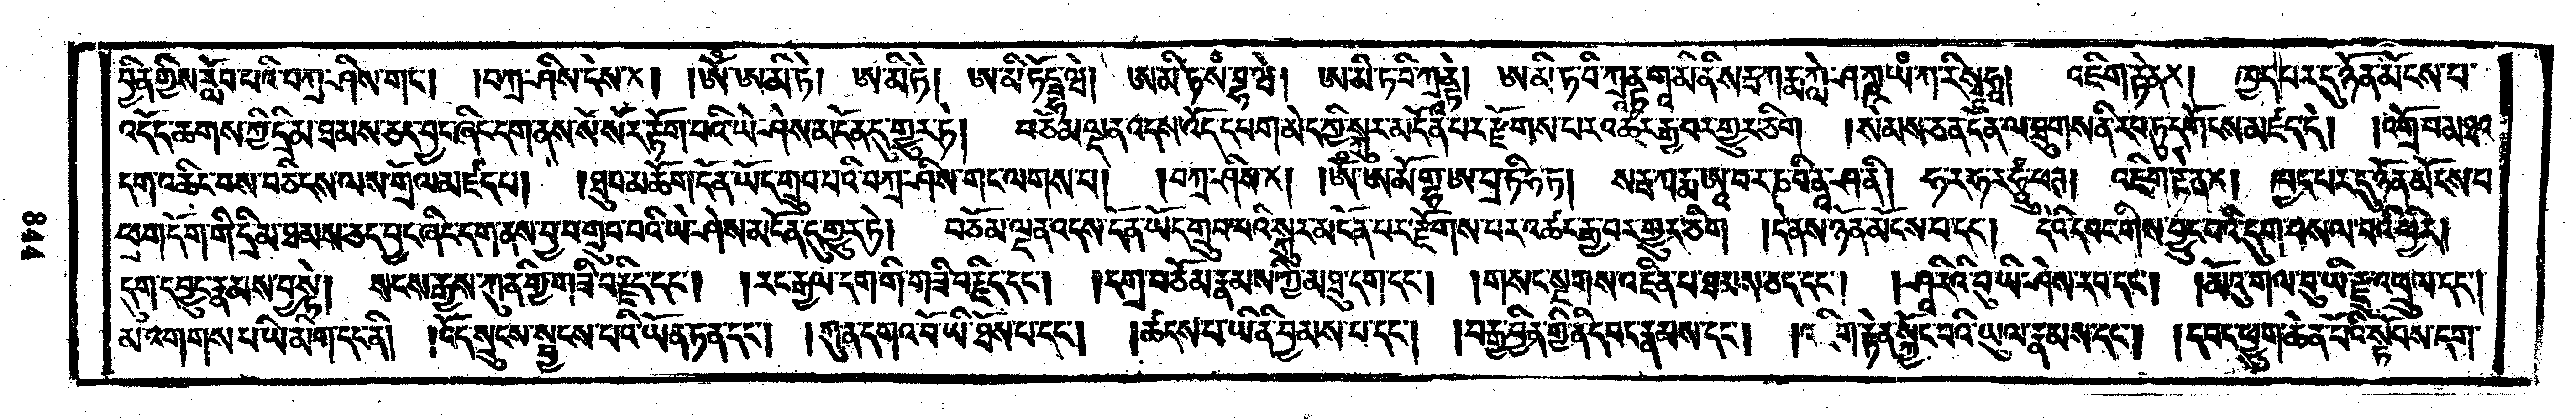བྱིན་གྱིས་རློབ་པའི་བཀྲ་ཤིས་གང་། །བཀྲ་ཤིས་དེས་྾། །ཨོཾ་ཨ་མི་ཏེ། ཨ་མི་ཏེ། ཨ་མི་ཏོངྦྷ་ཝེ། ཨ་མི་ཏ་སཾ་བྷ་ཝེ། ཨ་མི་ཏ་བི་ཀྲཱནྟེ། ཨ་མི་ཏ་བི་ཀྲཱནྟ་གཱ་མི་ནི་སརྦ་ཀརྨ་ཀླེ་ཤཀྵ་ཡཾ་ཀ་རི་སྭཱཧཱ། འཇིག་རྟེན་྾། ཁྱད་པར་དུ་ཉོན་མོངས་པ་
འདོད་ཆགས་ཀྱི་དྲི་མ་ཐམས་ཅད་བྱང་ཞིང་དག་ནས་སོ་སོར་རྟོག་པའི་ཡེ་ཤེས་མངོན་དུ་གྱུར་ཏེ། བཅོམ་ལྡན་འདས་འོད་དཔག་མེད་ཀྱི་སྐུར་མངོན་པར་རྫོགས་པར་འཆར་རྒྱ་བར་གྱུར་ཅིག །སེམས་ཅན་དོན་ལ་ཐུགས་ནི་རབ་ཏུ་དགོངས་མཛད་དེ། །འགྲོ་བ་མཐའ་
དག་འཆིང་བས་བཅིངས་ལས་གྲོལ་མཛད་པ། །ཐུབ་མཆོག་དོན་ཡོད་གྲུབ་པའི་བཀྲ་ཤིས་གང་ལགས་པ། །བཀྲ་ཤིས་྾། །ཨོཾ་ཨཾ་མོ་གྷ་ཨ་པྲ་ཏི་ཧ་ཏ། སརྦ་ཀརྨ་ཨཱ་བ་ར་ཎ་བི་ནཱ་ཤ་ནི། ཧ་ར་ཧ་ར་ཧཱུཾ་ཕཊ། འཇིག་རྟེན་྾། ཁྱད་པར་དུ་ཉོན་མོངས་པ་
ཕྲག་དོག་གི་དྲི་མ་ཐམས་ཅད་བྱང་ཞིང་དག་ནས་བྱ་བ་གྲུབ་པའི་ཡེ་ཤེས་མངོན་དུ་གྱུར་ཏེ། བཅོམ་ལྡན་འདས་དོན་ཡོད་གྲུབ་པའི་སྐུར་མངོན་པར་རྫོགས་པར་འཚང་རྒྱ་བར་གྱུར་ཅིག །དེ་ནས་ཉོན་མོངས་པ་དང་། དེའི་དབང་གིས་བྱུང་བའི་དུག་བསལ་བའི་ཕྱིར།
དུག་དབྱུང་རྣམས་བྱ་སྟེ། སངས་རྒྱས་ཀུན་གྱི་གཟི་བརྗིད་དང་། །རང་རྒྱལ་དག་གི་གཟི་བརྗིད་དང་། །དགྲ་བཅོམ་རྣམས་ཀྱི་མཐུ་དག་དང་། །གསང་སྔགས་འཛིན་པ་ཐམས་ཅད་དང་། །ཤཱ་རིའི་བུ་ཡེ་ཤེས་རབ་དང་། །མོའུ་གལ་བུ་ཡི་རྫུ་འཕྲུལ་དང་།
མ་འགགས་པ་ཡི་མིག་དང་ནི། །འོད་སྲུངས་སྦྱངས་པའི་ཡོན་ཏན་དང་། །ཀུན་དགའ་བོ་ཡི་ཐོས་པ་དང་། ཚངས་པ་ཡི་ནི་བྱམས་པ་དང་། །བརྒྱ་བྱིན་གྱི་ནི་དབང་རྣམས་དང་། །འཇིག་རྟེན་སྐྱོང་བའི་ཡུལ་རྣམས་དང་། །དབང་ཕྱུག་ཆེན་པོའི་སྟོབས་དག་